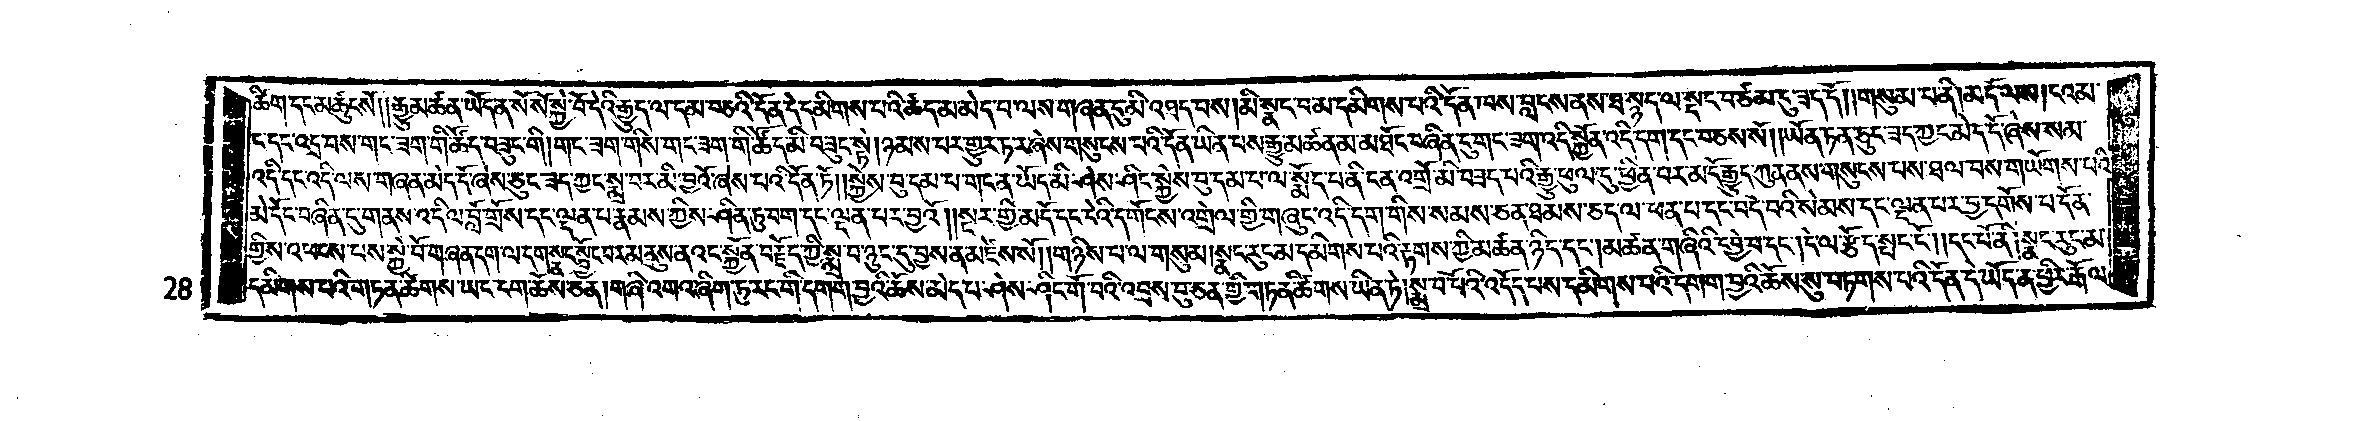ཚིག་དང་མཚུངས་སོ། །རྒྱུ་མཚན་ཡོད་ན་སོ་སོ་སྐྱེ་བོ་དེའི་རྒྱུད་ལ་དམ་བཅའི་དོན་དེ་དམིགས་པའི་ཚད་མ་མེད་པ་ལས་གཞན་དུ་མི་འཐད་པས། མི་སྣང་བ་མ་དམིགས་པའི་དོན་ཁས་བླངས་ནས་ཐ་སྙད་ལ་སྡང་བ་ཙམ་དུ་ཟད་དོ། །གསུམ་པ་ནི། མདོ་ལས། ངའམ་
ང་དང་འདྲ་བས་གང་ཟག་གི་ཚོད་བཟུང་གི། གང་ཟག་གིས་གང་ཟག་གི་ཚོད་མི་བཟུང་སྟེ། ཉམས་པར་གྱུར་ཏ་ར་ཞེས་གསུངས་པའི་དོན་ཡིན་པས་རྒྱུ་མཚན་མ་མཐོང་བཞིན་དུ་གང་ཟག་འདི་སྐྱོན་འདི་དག་དང་བཅས་སོ། །ཡོན་ཏན་ཅུང་ཟད་ཀྱང་མེད་དོ་ཞེས་སམ་
འདི་དང་འདི་ལས་གཞན་མེད་དོ་ཞེས་ཅུང་ཟད་ཀྱང་སྨྲ་བར་མི་བྱའོ་ཞེས་པའི་དོན་ཏོ། །སྐྱེས་བུ་དམ་པ་གང་ན་ཡོད་མི་ཤེས་ཤིང་སྐྱེས་བུ་དམ་པ་ལ་སྨོད་པ་ནི་ངན་འགྲོ་མི་བཟད་པའི་རྒྱུ་ཕུལ་དུ་ཕྱིན་པར་མདོ་རྒྱུད་ཀུན་ནས་གསུངས་པས་ཐལ་བས་གཡོགས་པའི་
མེ་དོང་བཞིན་དུ་གནས་འདི་ལ་བློ་གྲོས་དང་ལྡན་པ་རྣམས་ཀྱིས་ཤིན་ཏུ་བག་དང་ལྡན་པར་བྱའོ། །སྔར་གྱི་མདོ་དང་དེའི་དགོངས་འགྲེལ་གྱི་གཞུང་འདི་དག་གིས་སེམས་ཅན་ཐམས་ཅད་ལ་ཕན་པ་དང་བདེ་བའི་སེམས་དང་ལྡན་པར་བྱ་དགོས་པ་དོན་
གྱིས་འཕངས་པས་སྐྱེ་བོ་གཞན་དག་ལ་དག་སྣང་སྦྱོང་བར་མ་ནུས་ནའང་སྐྱོན་བརྗོད་ཀྱི་སྨྲ་བ་ཉུང་དུ་བྱས་ན་མཛེས་སོ། །གཉིས་པ་ལ་གསུམ། སྣང་རུང་མ་དམིགས་པའི་རྟགས་ཀྱི་མཚན་ཉིད་དང་། མཚན་གཞིའི་དབྱེ་བ་དང་། དེ་ལ་རྩོད་སྤང་ངོ། །དང་པོ་ནི། སྣང་རུང་མ་
དམིགས་པའི་གཏན་ཆོགས་ཡང་དག་ཆོས་ཅན། གཞི་འགའ་ཞིག་ཏུ་རང་གི་དགག་བྱའི་ཆོས་མེད་པ་ཤེས་ཤིང་གོ་བའི་འབྲས་བུ་ཅན་གྱི་གཏན་ཚིགས་ཡིན་ཏེ། སྨྲ་བ་པོའི་འདོད་པས་དམིགས་པའི་དགག་བྱའི་ཆོས་སུ་བཏགས་པའི་དོན་དེ་ཡོད་ན་ཕྱིར་རྒོལ་